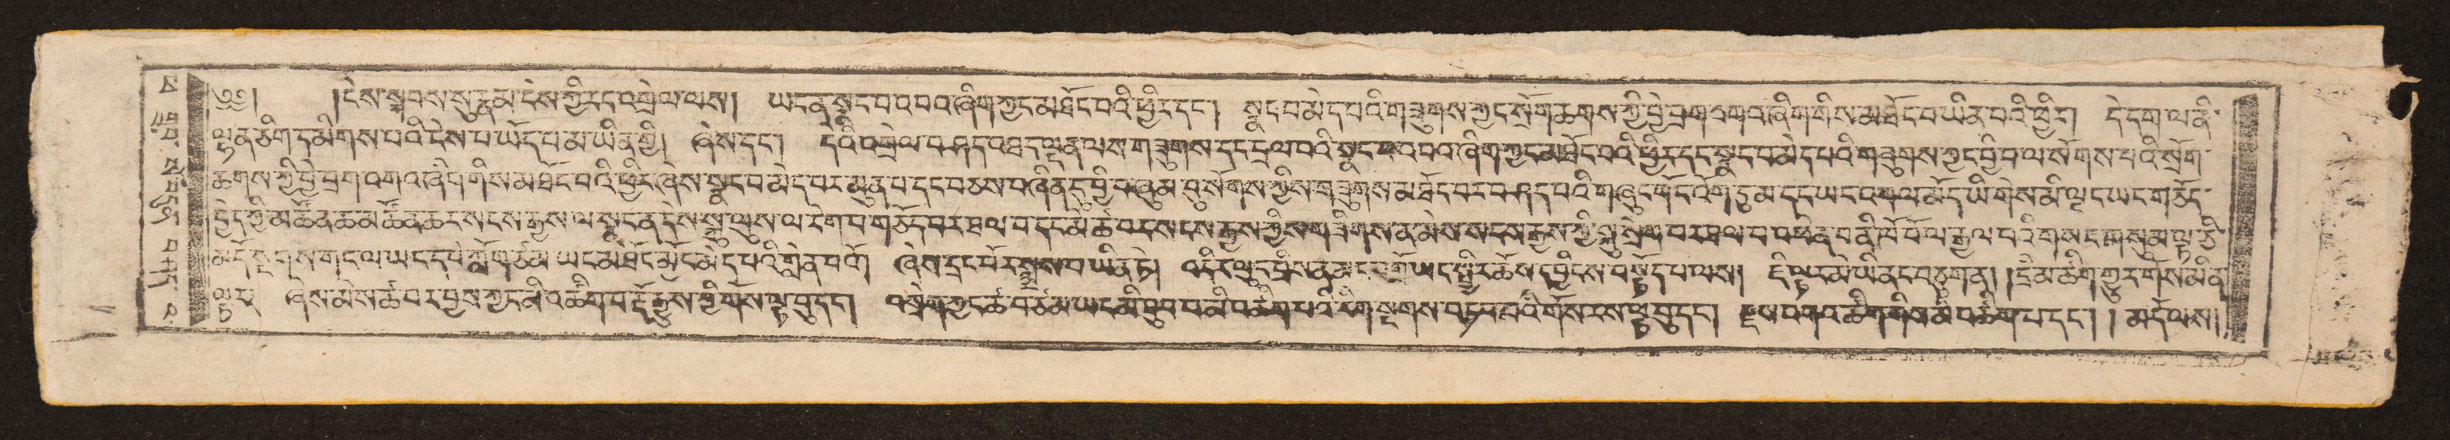༄༅། །ངེས་སྐབས་སུ་རྣམ་ངེས་ཀྱི་རང་འགྲེལ་ལས། ཡང་ན་སྣང་བ་འབའ་ཞིག་ཀྱང་མཐོང་བའི་ཕྱིར་དང་། སྣང་བ་མེད་པའི་གཟུགས་ཀྱང་སྲོག་ཆགས་ཀྱི་བྱེ་བྲག་འགའ་ཞིག་གིས་མཐོང་བ་ཡིན་པའི་ཕྱིར། དེ་དག་ལ་ནི་
ལྷན་ཅིག་དམིགས་པའི་ངེས་པ་ཡོད་པ་མ་ཡིན་གྱི། ཞེས་དང་། དེའི་འགྲེལ་བཤད་འཐད་ལྡན་ལས་གཟུགས་དང་བྲལ་བའི་སྣང་བ་འབའ་ཞིག་ཀྱང་མཐོང་བའི་ཕྱིར་དང་སྣང་བ་མེད་པའི་གཟུགས་ཀྱང་བྱི་བ་ལ་སོགས་པའི་སྲོག་
ཆགས་ཀྱི་བྱེ་བྲག་འགའ་ཞིག་གིས་མཐོང་བའི་ཕྱིར་ཞེས་སྣང་བ་མེད་པར་མུན་པ་དང་བཅས་བཞིན་དུ་བྱི་བ་ཞུམ་བུ་སོགས་ཀྱིས་གཟུགས་མཐོང་བར་བཤད་པའི་གཞུང་གོང་འོག་ཏུ་མ་དང་ཡང་འགལ་མོད་ཡི་གེས་མི་ལྡང་ཡང་གཅོད་
བྱེད་ཀྱི་མཚོན་ཆ་མཚོན་ཆར་སངས་རྒྱས་ལ་སྣང་ན་དེས་སྐུ་ལུས་ལ་རེག་པ་གཅོད་བར་ཐལ་བ་དང་མེ་ཆེ་བར་སངས་རྒྱས་ཀྱིས་གཟིགས་ན་མེས་སངས་རྒྱས་ཀྱི་སྐུ་སྲེག་བར་ཐལ་བ་འཕེན་པ་ནི་ཁོ་བོ་ལ་རྒྱལ་བའི་གསང་གསུམ་ལྟ་ཅི་
མདོ་སྔགས་གང་ལ་ཡང་དཔེ་ཀློག་ཙམ་ཡང་མཐོང་མྱོང་མེད་པའི་གླེན་པའོ། ཞེས་དྲང་པོར་སྨྲས་པ་ཡིན་ཏེ། འདིར་ལུང་བྲིས་ན་མང་འགྲོ་ཡང་སྦྱིར་ཆོས་དབྱིངས་བསྟོད་པ་ལས། ཇི་ལྟར་མེ་ཡི་ནང་བཅུག་ན། །དྲི་མ་ཚིག་གྱུར་གོས་མིན་
ལྟར༑ ཞེས་མེས་ཚ་བར་བྱས་ཀྱང་མི་འཚིག་བརྡོ་རྒྱུས་ཀྱི་གོས་ལྟ་བུ་དང་། བསྲེག་ཀྱང་ཚ་བ་ཙམ་ཡང་མི་ཐུབ་པ་མི་འཚིག་པའི་རིག་སྔགས་བཏབ་པའི་གོས་རས་ལྟ་བུ་དང་། རྫས་འགའ་ཚིག་གིས་མི་འཚིག་པ་དང་། །མདོ་ལས།